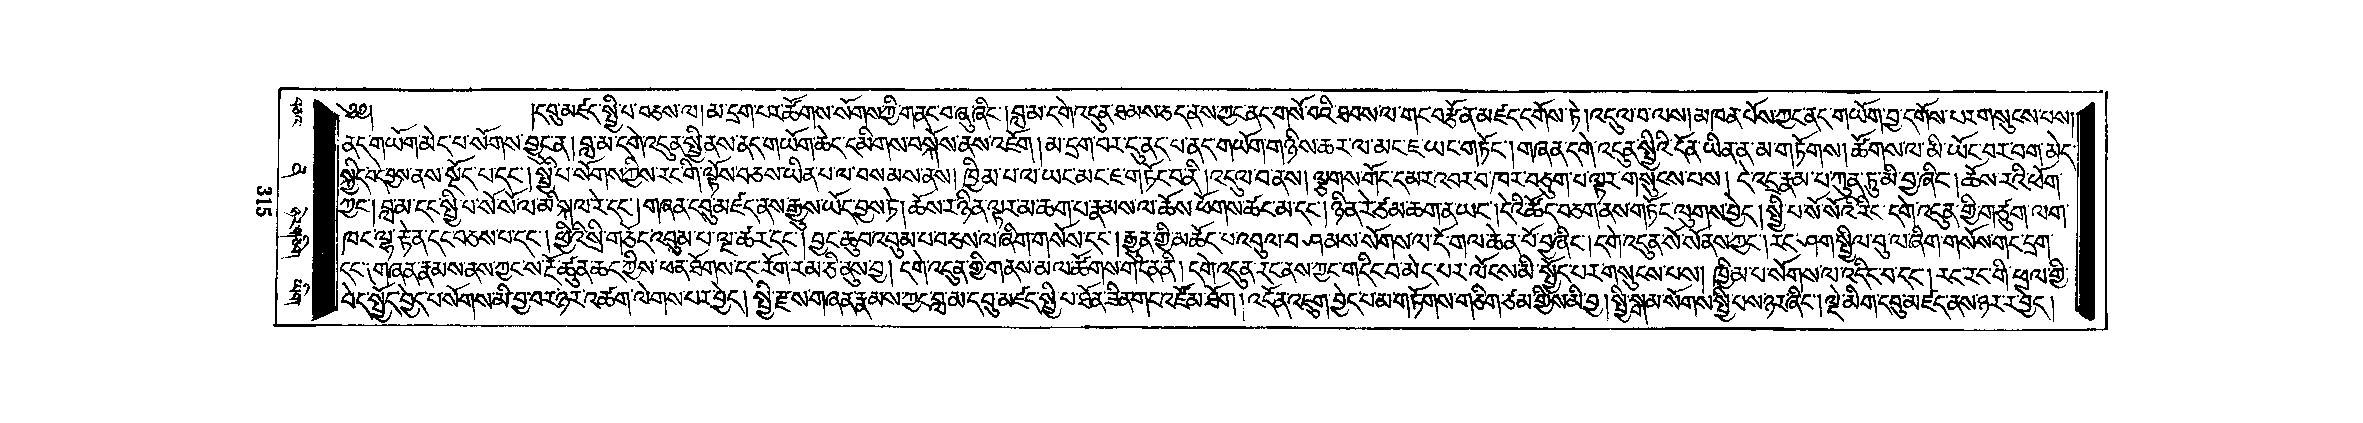༄༅། །དབུ་མཛད་སྤྱི་པ་བཅས་ལ། མ་དྲག་པར་ཚོགས་སོགས་ཀྱི་གནང་བ་ཞུ་ཞིང་། བླ་མ་དགེ་འདུན་ཐམས་ཅད་ནས་ཀྱང་ནད་གསོ་བའི་ཐབས་ལ་གང་བརྩོན་མཛད་དགོས་ཏེ། འདུལ་བ་ལས། མཁན་པོས་ཀྱང་ནད་གཡོག་བྱ་དགོས་པར་གསུངས་པས།
ནད་གཡོག་མེད་པ་སོགས་བྱུང་ན། བླ་མ་དགེ་འདུན་སྤྱི་ནས་ནད་གཡོག་ཆེད་དམིགས་བསྐོས་ནས་འཇོག །མ་དྲག་བར་དུ་ནད་པ་ནད་གཡོག་གཉིས་ཆར་ལ་མང་ཇ་ཡང་གཏོང་། གཞན་དགེ་འདུན་སྤྱིའི་དོན་ཡིན་ན་མ་གཏོགས། ཚོགས་ལ་མི་ཡོང་བར་བག་མེད་
སྐྱིད་བདེ་བྱས་ནས་སྡོད་པ་དང་། སྤྱི་པ་སོགས་ཀྱིས་རང་གི་ལྟོས་བཅས་ཡིན་པ་ལ་བསམས་ནས། ཁྱིམ་པ་ལ་ཡང་མང་ཇ་གཏོང་བ་ནི། འདུལ་བ་ནས། ལྕགས་གོང་དམར་འབར་བ་ཁར་བཅུག་པ་ལྟར་གསུངས་པས། དེ་འདྲ་རྣམ་པ་ཀུན་ཏུ་མི་བྱ་ཞིང་། ཆོས་རའི་ཕོག་
ཀྱང་། བླ་མ་དང་སྤྱི་པ་སོ་སོ་ལ་མི་སྐལ་རེ་དང་། གཞན་དབུ་མཛད་ནས་རྒྱུས་ཡོད་བྱས་ཏེ། ཆོས་ར་ཉིན་ལྟར་མ་ཆག་པ་རྣམས་ལ་ཆོས་ཕོགས་ཚང་མ་དང་། ཉིན་རེ་ཙམ་ཆག་ན་ཡང་། དེའི་ཚོད་བཅག་ནས་གཏོང་ལུགས་བྱེད། སྤྱི་པ་སོ་སོའི་རིང་དགེ་འདུན་གྱི་གཙུག་ལག་
ཁང་ལྷ་རྟེན་དང་བཅས་པ་དང་། ཕྱིའི་སྲི་གཅོད་འབུམ་པ་ལྔ་ཚར་དང་། བྱང་ཆུབ་འབུམ་པ་བཅས་ལ་ཞིག་གསོས་དང་། རྒྱུན་གྱི་མཆོད་པ་འབུལ་བཤམས་སོགས་ལ་དོ་གལ་ཆེན་པོ་བྱ་ཞིང་། དགེ་འདུན་སོ་སོ་ནས་ཀྱང་། རང་ཤག་སྤྱིལ་བུ་ལ་ཞིག་གསོས་གང་དྲག་
དང་། གཞན་རྣམས་ནས་ཀྱང་ས་རྡོ་ཚུན་ཆད་ཀྱིས་ཕན་ཐོགས་དང་རོག་རམ་ཅི་ནུས་བྱ། དགེ་འདུན་གྱི་གནས་མལ་ཚོགས་གདན་ནི། དགེ་འདུན་རང་ནས་ཀྱང་གདིང་བ་མེད་པར་ལོངས་མི་སྤྱོད་པར་གསུངས་པས། ཁྱིམ་པ་སོགས་ལ་འདིང་བ་དང་། རང་རང་གི་ཕྲལ་གྱི་
བེད་སྤྱོད་བྱེད་པ་སོགས་མི་བྱ་བར་ཉེར་འཚག་ལེགས་པར་བྱེད། སྤྱི་རྫས་གཞན་རྣམས་ཀྱང་བླ་མ་དབུ་མཛད་སྤྱི་པ་ཐོན་ཟིན་གང་འཛོམ་ཐོག །འདོན་འཇུག་བྱེད་པ་མ་གཏོགས་གཅིག་ཙམ་གྱིས་མི་བྱ། སྤྱི་སྒམ་སོགས་སྤྱི་པས་ཉར་ཞིང་། ལྡེ་མིག་དབུ་མཛད་ནས་ཉར་ར་བྱེད།